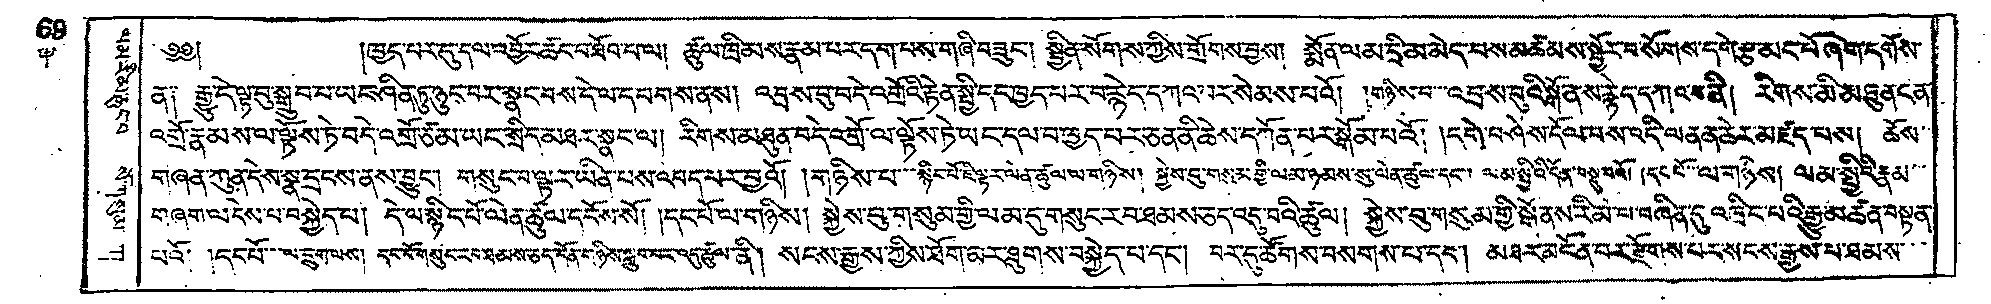༄༅། །ཁྱད་པར་དུ་དལ་འབྱོར་ཚང་བ་ཐོབ་པ་ལ། ཚུལ་ཁྲིམས་རྣམ་པར་དག་པས་གཞི་བཟུང་། སྦྱིན་སོགས་ཀྱིས་གྲོགས་བྱས། སྨོན་ལམ་དྲི་མ་མེད་པས་མཚམས་སྦྱོར་བ་སོགས་དགེ་རྩ་མང་པོ་ཞེག་དགོས་
ན༑ རྒྱུ་དེ་ལྟ་བུ་སྒྲུབ་པ་ཡང་ཤིན་ཏུ་ཉུང་བར་སྣང་བས་དེ་ལ་དཔགས་ནས། འབྲས་བུ་བདེ་འགྲོའི་རྟེན་སྤྱི་དང་ཁྱད་པར་བ་རྙེད་དཀའ་བར་སེམས་པའོ། ། གཉིས་པའབྲས་བུའི་སྒོ་ནས་རྙེད་དཀའ་བ་ནི། རིགས་མི་མཐུན་ངན་
འགྲོ་རྣམས་ལ་ལྟོས་ཏེ་བདེ་འགྲོ་ཙམ་ཡང་སྲིད་མཐར་སྣང་ལ། རིགས་མཐུན་བདེ་འགྲོ་ལ་ལྟོས་ཏེ་ཡང་དལ་བ་ཁྱད་པར་ཅན་ནི་ཆེས་དཀོན་པར་སྒོམ་པའོ། །དགེ་བཤེས་དོལ་པས་འདི་ལན་ན་ཆེར་མཛད་པས། ཆོས་
གཞན་ཀུན་དེས་སྣ་དྲངས་ནས་བྱུང་། གསུང་བ་ལྟར་ཡིན་པས་འབད་པར་བྱའོ། །གཉིས་པསྙིང་པོ་ཇི་ལྟར་ལེན་ཚུལ་ལ་གཉིས། སྐྱེས་བུ་གསུམ་གྱི་ལམ་ཉམས་སུ་ལེན་ཚུལ་དང་། ལམ་སྤྱིའི་བསྡུ་བའོ། །དང་པོལ་གཉིས། ལམ་སྦྱིའི་རྣམ་
གཞག་ལ་ངེས་པ་བསྐྱེད་པ། དེ་ལ་སྙིང་པོ་ལེན་ཚུལ་དངོས་སོ། །དང་པོ་ལ་གཉིས། སྐྱེས་བུ་གསུམ་གྱི་ལམ་དུ་གསུངས་རབ་ཐམས་ཅད་འདུ་བའི་ཚུལ། སྐྱེས་བུ་གསུམ་གྱི་སྒོ་ནས་རིམ་པ་བཞིན་དུ་འཁྲིད་པའི་རྒྱུ་མཚན་བསྟན་
པའོ། །དང་པོལ་དྲུག་ལས། དང་བོ་གསུང་རབ་ཐམས་ཅད་དོན་གཉིས་སྒྲུབ་པར་འདུ་ཚུལ་ནི།  སངས་རྒྱས་ཀྱིས་ཐོག་མར་ཐུགས་བསྐྱེད་པ་དང་། པར་དུ་ཚོགས་བསགས་པ་དང་། མཐར་མངོན་བར་རྫོགས་པར་སངས་རྒྱས་པ་ཐམས་